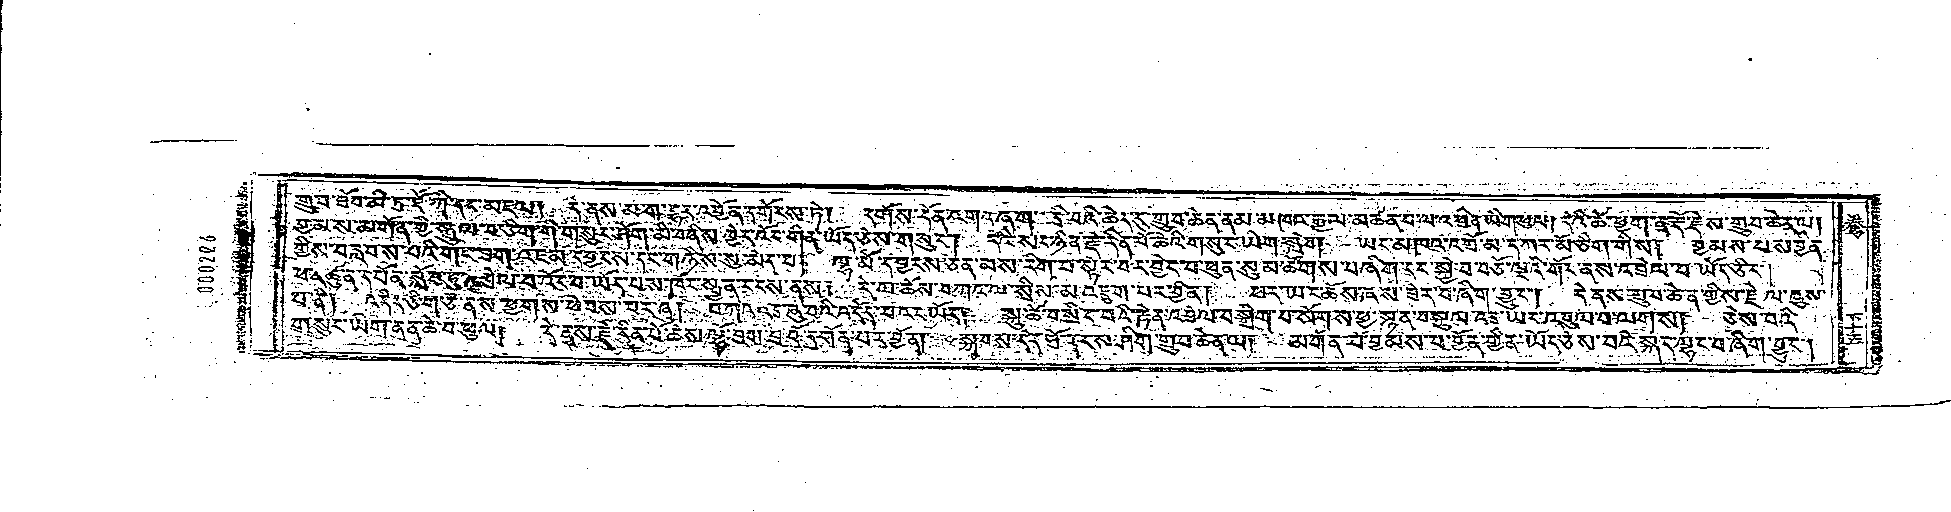གྲུབ་ཐོབ་མི་ཏུ་ཛེ་ཀི་དད་མཇལ། ད་ནས་མ་ག་དྷར་འབྱོན་དགོངས་ཏེ། དགོས་དོན་འགའ་ཞག་དྲི་བའི་ཆེད་དུ་གྲུབ་ཆེན་ནམ་མཁའ་རྒྱལ་མཚན་བ་ལ་འཕྲིན་ཡིག་ཕུལ། དེའི་ཚེ་ཕྱག་ན་རྡོ་རྗེས་གྲུབ་ཆེན་ལ།
བྱམས་མགོན་གྱི་སྤྲུལ་བ་ཅིག་གི་གསུང་ཤོག་མི་བཞིས་ཁྱེར་འོད་གིན་ཡོད་ཅེས་གསུང་། དེ་དེ?་སད་ཉིན་རྗེ་རིན་པོ་ཆེའི་གསུང་ཡིག་སླེབ། ཡང་མཁའ་འགྲོ་མ་དཀར་མོ་ཅིག་གིས། བྱམས་པས་བྱིན་
གྱིས་བརླབས་བའི་གང་ཟག་འཇམ་དབྱངས་དད་གཉིས་སུ་མེད་པ། ལྷ་མོ་དབྱངས་ཅན་མས་རིག་བ་སྟེར་བར་བྱེད་བ་ཕུན་སུམ་ཚོགས་པ་ཞིག་དང་སྐྱེ་བ་བཅོ་ལྔའི་གོང་ནས་འབྲེལ་བ་ཡོད་ཅིང་།
ཕན་ཚུན་དཔོན་སློབ་ཏུ་འབྲེལ་བ་འོང་བ་ཡོད་པས་ཁོང་སྤྱན་དངས་ནས། དེ་ལ་ཆོས་བཀའ་ལ་སྲིས་མ་འཇུག་པར་བྱིན། ཕར་ཡང་ཆོས་ཞས་ཟེར་པ་ཞིག་བྱུང་། དེ་ནས་གྲུབ་ཆེན་གྱིས་རྗེ་ལ་ཞུས་
བ་ནི། འདིར་ཅིག་ཅི་ནས་ཕྱགས་ཕེབས་བར་ཞུ། བཀའ་འདྲ་ཞུ་བའི་འདོད་བའང་ཡོད། སྐུ་ཚེ་བསྲིང་བའི་རྟེན་འབྲེལ་བསྒྲིག་བ་སོགས་ཕྱ་སྙན་བསྐུལ་འདྲ་ཡང་འབུལ་བ་ལགས། ཅེས་བའི་
གསུང་ཡིག་ནན་ཆེ་བ་ཕུལ། དེ་ནས་རྗེ་རིན་པོ་ཆེས་ལྷོ་བྲག་བྲ་བོ་དགོན་པར་བྱོན། སྐབས་དེར་ཐོ་རངས་ཤིག་གྲུབ་ཆེན་ལ། མགོན་པོ་བྱམས་པ་བྱོན་གྱིན་ཡོད་ཅེས་པའི་སྐད་ལྷང་བ་ཞིག་བྱུང་།